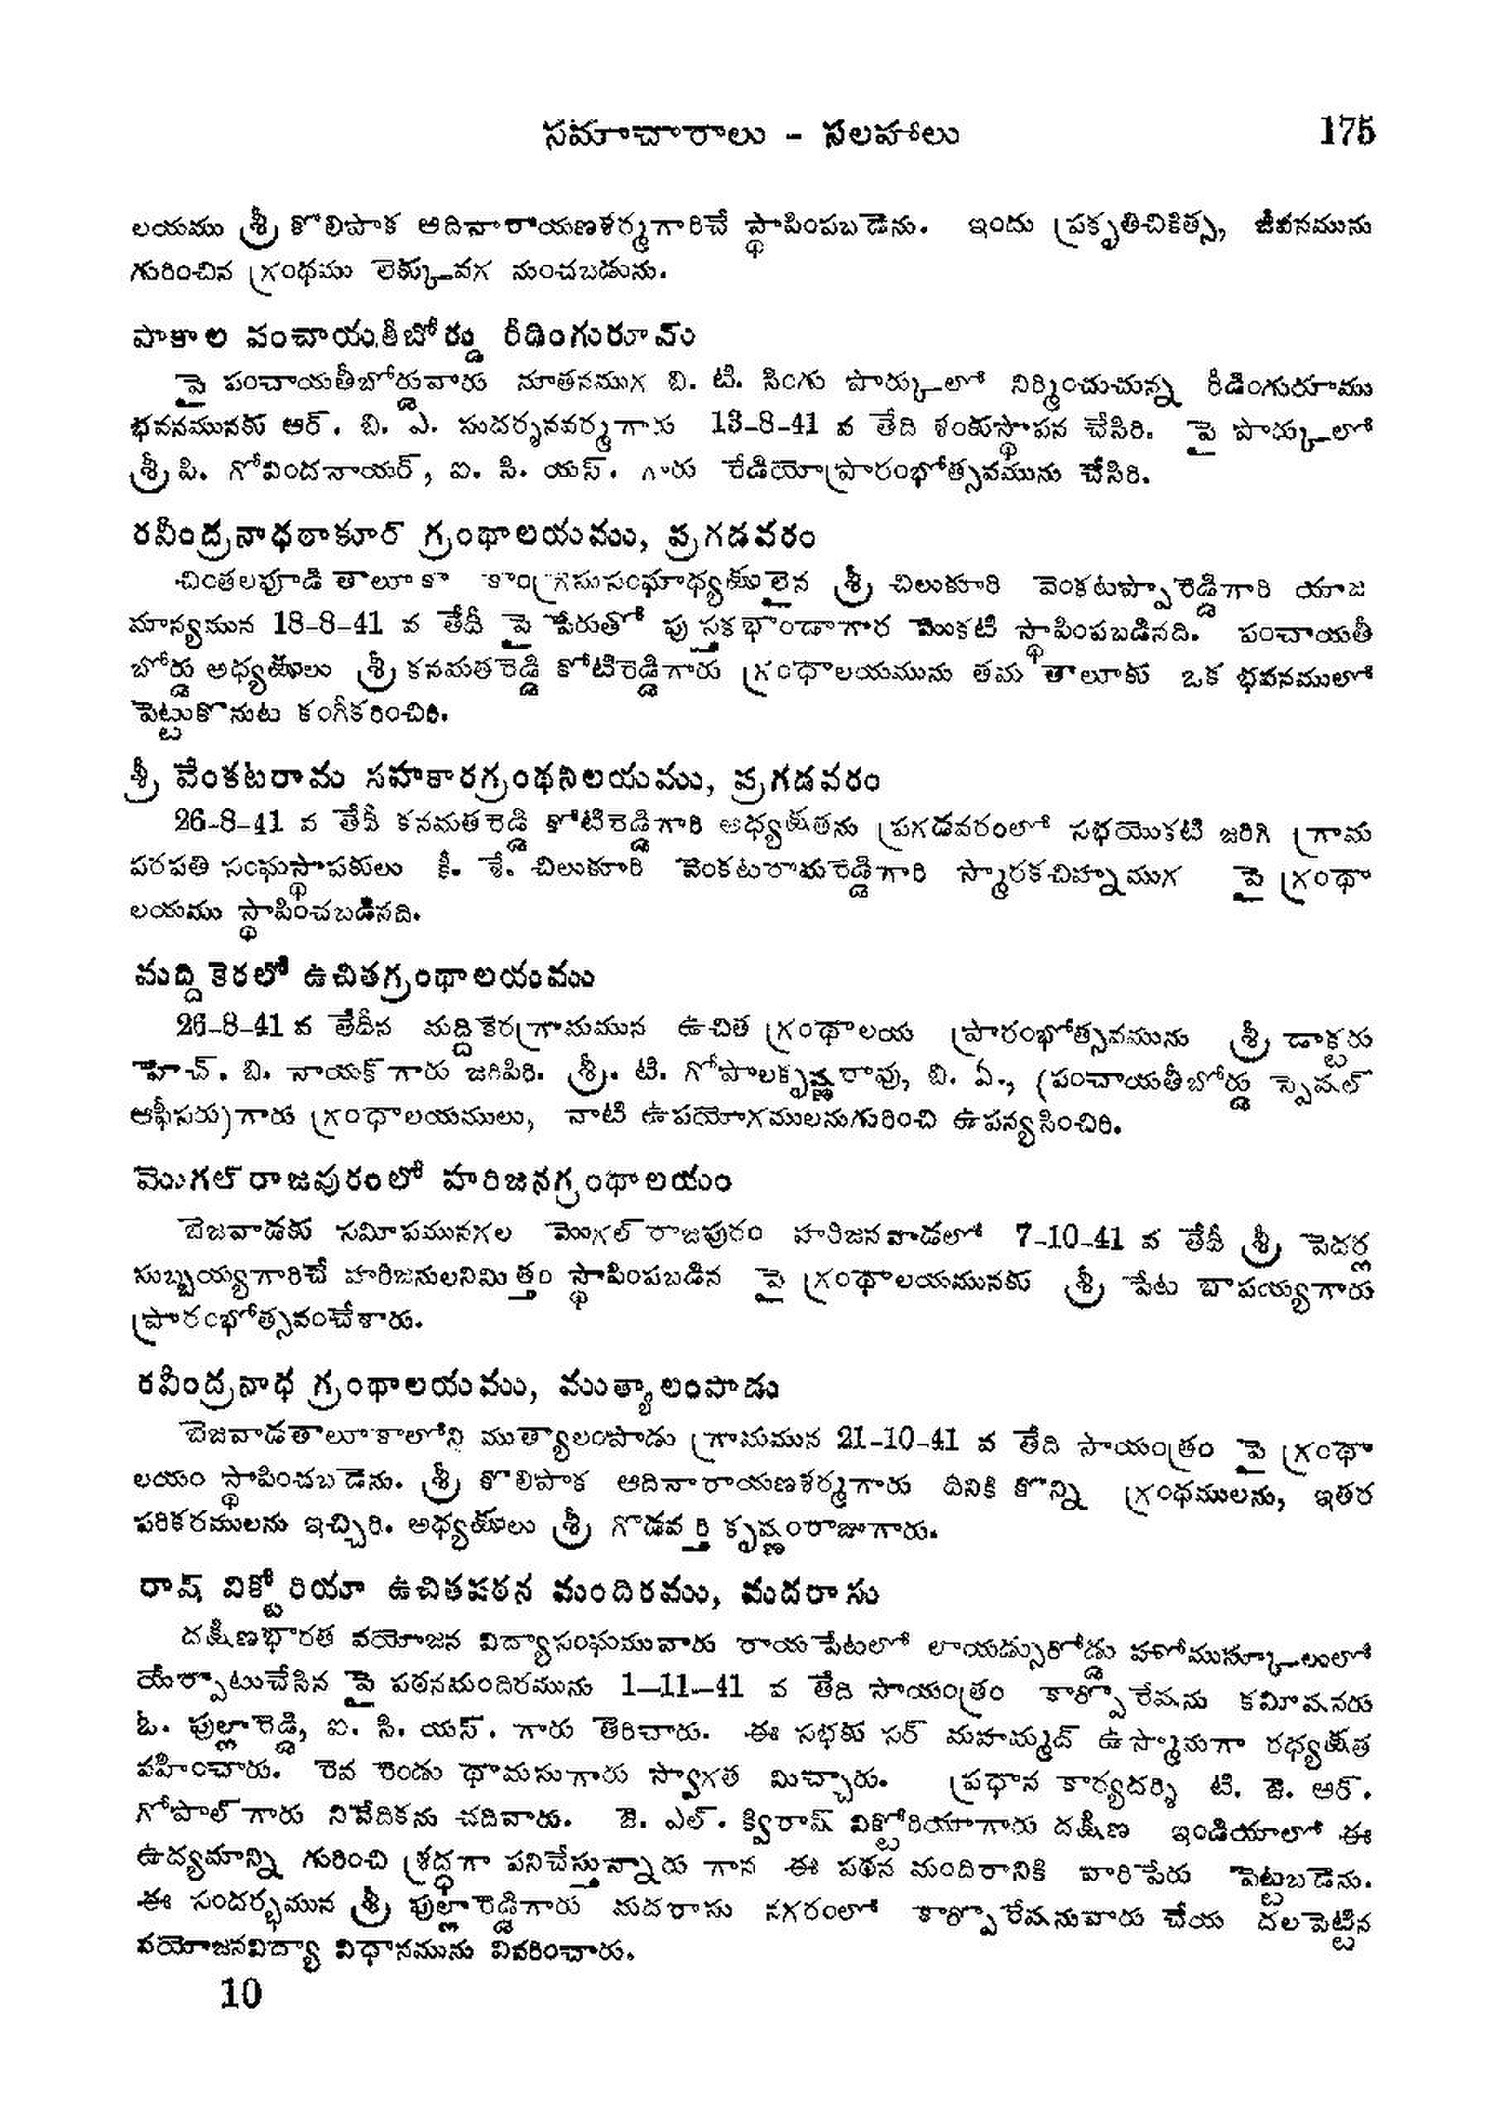లయము శ్రీ కొలిపాక ఆదినారాయణశర్మ గారిచే స్థాపింపబడెను. ఇందు ప్రకృతిచికిత్స, జీవనమును గురించిన గ్రంథము లెక్కువగ ముంచబడును.

పాకాల పంచాయతీబోర్డు రీడింగురూమ్

పై పంచాయతీబోర్డు వారు నూతనముగ బి. టి. సింగు పార్కులో నిర్మించుచున్న రీడింగురూము భవనమునకు ఆర్.బి.ఎ. సుదర్శనవర్మగారు 18-8-41 వ తేది శంకుస్థాపన చేసిరి. పై పార్కులో శ్రీ పి. గోవిందనాయర్, ఐ. సి. యస్. గారు రేడియో ప్రారంభోత్సవమును చేసిరి.

రవీంద్రనాధఠాకూర్ గ్రంథాలయము, ప్రగడవరం

చింతలపూడి తాలూకా కాంగ్రెసు సంఘాధ్యకులైన శ్రీ చిలుకూరి వెంకటప్పారెడ్డి గారి యాజమాన్యమున 18-8-41 వ తేదీ 
పై పేరుతో పుస్తక భాండాగార మొకటి స్థాపింపబడినది. పంచాయతీ బోర్డు అధ్యక్షులు శ్రీ కనమతరెడ్డి కోటిరెడ్డి గారు 
గ్రంధాలయమును తమ తాలూకు ఒక భవనములో పెట్టుకొనుట కంగీకరించిరి.

శ్రీ వేంకటరామ సహకారగ్రంథనిలయము, ప్రగడవరం

26-8–41 వ తేదీ కనమతరెడ్డి కోటిరెడ్డి గారి అధ్యక్షతను ప్రగడవరంలో సభయొకటి జరిగి గ్రామపరపతి సంఘస్థాపకులు 
కీ.శే.చిలుకూరి వెంకటరామరెడ్డి గారి స్మారక చిహ్నముగ పై గ్రంథలయము స్థాపించబడినది.

మద్దికెర లో ఉచితగ్రంథాలయము, మద్దికెర

26-8-41 వ తేదీన మద్దికేర గ్రామమున ఉచిత గ్రంథాలయ ప్రారంభోత్సవమును శ్రీ డాక్టరు హెచ్.బి. నాయక్ గారు 
జరిపిరి. శ్రీ. టి. గోపాలకృష్ణరావు, బి.ఏ., (పంచాయతీ బోర్డు స్పెషల్ ఆఫీసరు) గారు గ్రంధాలయములు, వాటి 
ఉపయోగములను గురించి ఉపన్యసించిరి.

మొగుల్ రాజపురం లో హరిజనగ్రంథాలయం

బెజవాడకు సమీపమునగల మొగల్ రాజపురం హరిజనవాడలో 7-10-41 వ తేదీ శ్రీ పెదర్ల సుబ్బయ్య గారిచే 
హరిజనులనిమిత్తం స్థాపింపబడిన పై గ్రంథాలయమునకు శ్రీ పేట బాపయ్య గారు ప్రారంభోత్సవంచేశారు.

రవీంద్రనాధ గ్రంథాలయము, ముత్యాలంపాడు

బెజవాడతాలూకాలోని ముత్యాలంపాడు గ్రామమున 21-10-41 వ తేది సాయంత్రం పై గ్రంథాలయం స్థాపించబడెను. 
శ్రీ కొలిపాక ఆదినారాయణ శర్మ గారు దీనికి కొన్ని గ్రంథములను, ఇతర పరికరములను ఇచ్చిరి. అధ్యక్షులు శ్రీ
గొడవర్తి కృష్ణంరాజుగారు.

రాష్, విక్టోరియా ఉచితపఠన మందిరము, మదరాసు

దక్షిణ భారత వయోజన విద్యాసంఘమువారు రాయపేటలో లాయడ్సురోడ్డు హోముస్కూలులో యేర్పాటుచేసిన పై 
పఠనమందిరమును 1-11-41 వ తేది సాయంత్రం కార్పొరేషను కమీషనరు ఓ. పుల్లారెడ్డి, ఐ.సి.యస్. గారు తెరిచారు. 
ఈ సభకు సర్ మహమ్మద్ ఉస్మానుగా రధ్యక్షత వహించారు. రెవ రెండు థామను గారు స్వాగత మిచ్చారు. ప్రధాన 
కార్యదర్శి టి.జె.ఆర్.గోపాల్గారు నివేదికను చదివారు. జె.ఎల్.క్విరాష్ విక్టోరియాగారు దక్షిణ ఇండియాలో ఈ
ఉద్యమాన్ని గురించి శ్రద్ధగా పనిచేస్తున్నారు గానీ ఈ పధన మందిరానికి వారి పేరు పెట్టబడెను. ఈ సందర్భమున 
శ్రీ పుల్లారెడ్డిగారు మదరాసు నగరంలో కార్పొరేషను వారు చేయ దలపెట్టిన వయోజనవిద్యా విధానమును వివరించారు.